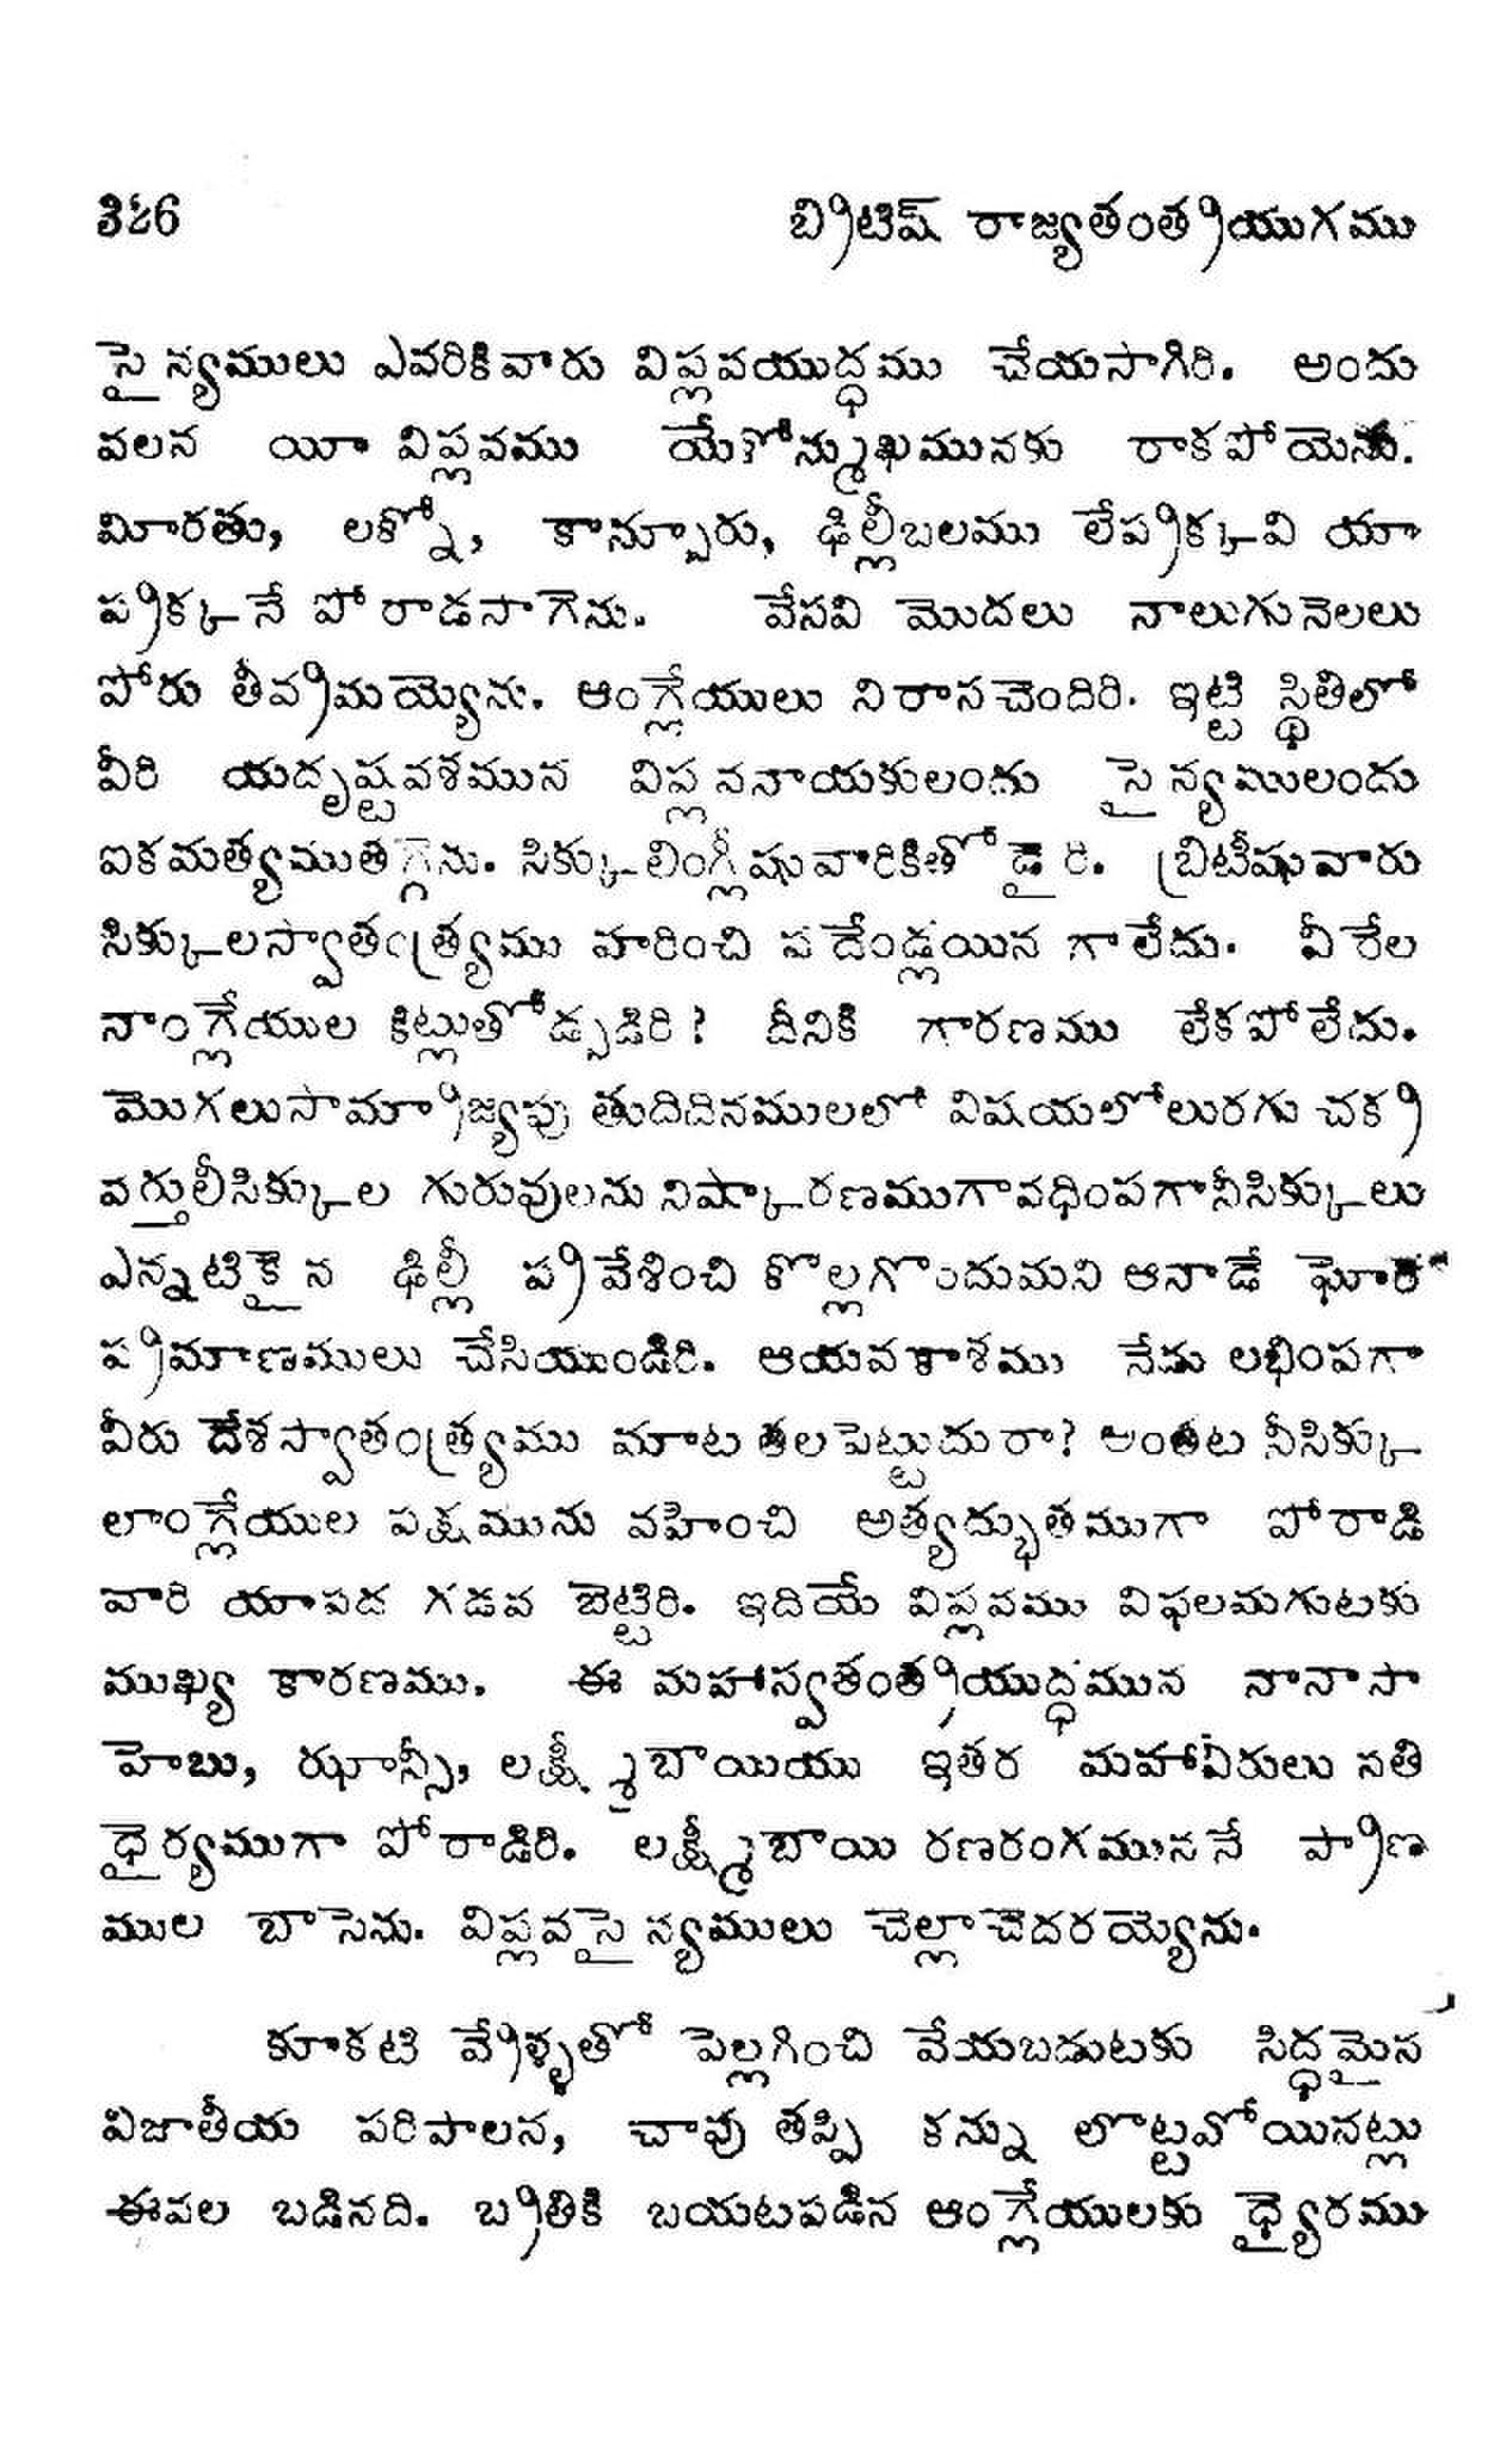సైన్యములు ఎవరికివారు విప్లవయుద్ధము చేయసాగిరి. అందువలన యీ విప్లవము యేహోన్ముఖమునకు రాకపోయెను. మీరతు, లక్నో, కాన్పూరు, ఢిల్లీబలము లేప్రక్కవి యాప్రక్కనే పోరాడసాగెను. వేసవి మొదలు నాలుగునెలలు పోరు తీవ్రమయ్యెను. ఆంగ్లేయులు నిరాసచెందిరి. ఇట్టి స్థితిలో వీరి యదృష్టవశమున విప్లవనాయకులందు సైన్యములందు ఐకమత్యముతగ్గెను. సిక్కు లింగ్లీషువారికితోడైరి. బ్రిటీషువారు సిక్కులస్వాతంత్ర్యము హరించి పదేండ్లయిన గాలేదు. వీరేల నాంగ్లేయుల కిట్లుతోడ్పడిరి? దీనికి గారణము లేకపోలేదు. మొగలుసామ్రాజ్యపు తుదిదినములలో విషయలోలురగు చక్రవర్తులీసిక్కుల గురువులను నిష్కారణముగావధింపగా నీసిక్కులు ఎన్నటికైన ఢిల్లీ ప్రవేశించి కొల్లగొందుమని ఆనాడే ఘోరప్రమాణములు చేసియుండిరి. ఆయవకాశము నేడు లభింపగా వీరు దేశస్వాతంత్ర్యము మాటతలపెట్టుదురా? అంతట నీసిక్కు లాంగ్లేయుల పక్షమును వహించి అత్యద్భుతముగా పోరాడి వారి యాపద గడవ బెట్టిరి. ఇదియే విప్లవము విఫలమగుటకు ముఖ్య కారణము. ఈ మహాస్వతంత్రయుద్ధమున నానాసాహెబు, ఝాన్సీ, లక్ష్మీబాయియు ఇతర మహావీరులు నతి ధైర్యముగా పోరాడిరి. లక్ష్మీబాయి రణరంగముననే ప్రాణముల బాసెను. విప్లవసైన్యములు చెల్లాచెదరయ్యెను.

కూకటి వ్రేళ్ళతో పెల్లగించి వేయబడుటకు సిద్ధమైన విజాతీయ పరిపాలన, చావు తప్పి కన్ను లొట్టవోయినట్లు ఈవల బడినది. బ్రతికి బయటపడిన ఆంగ్లేయులకు ధైర్యము